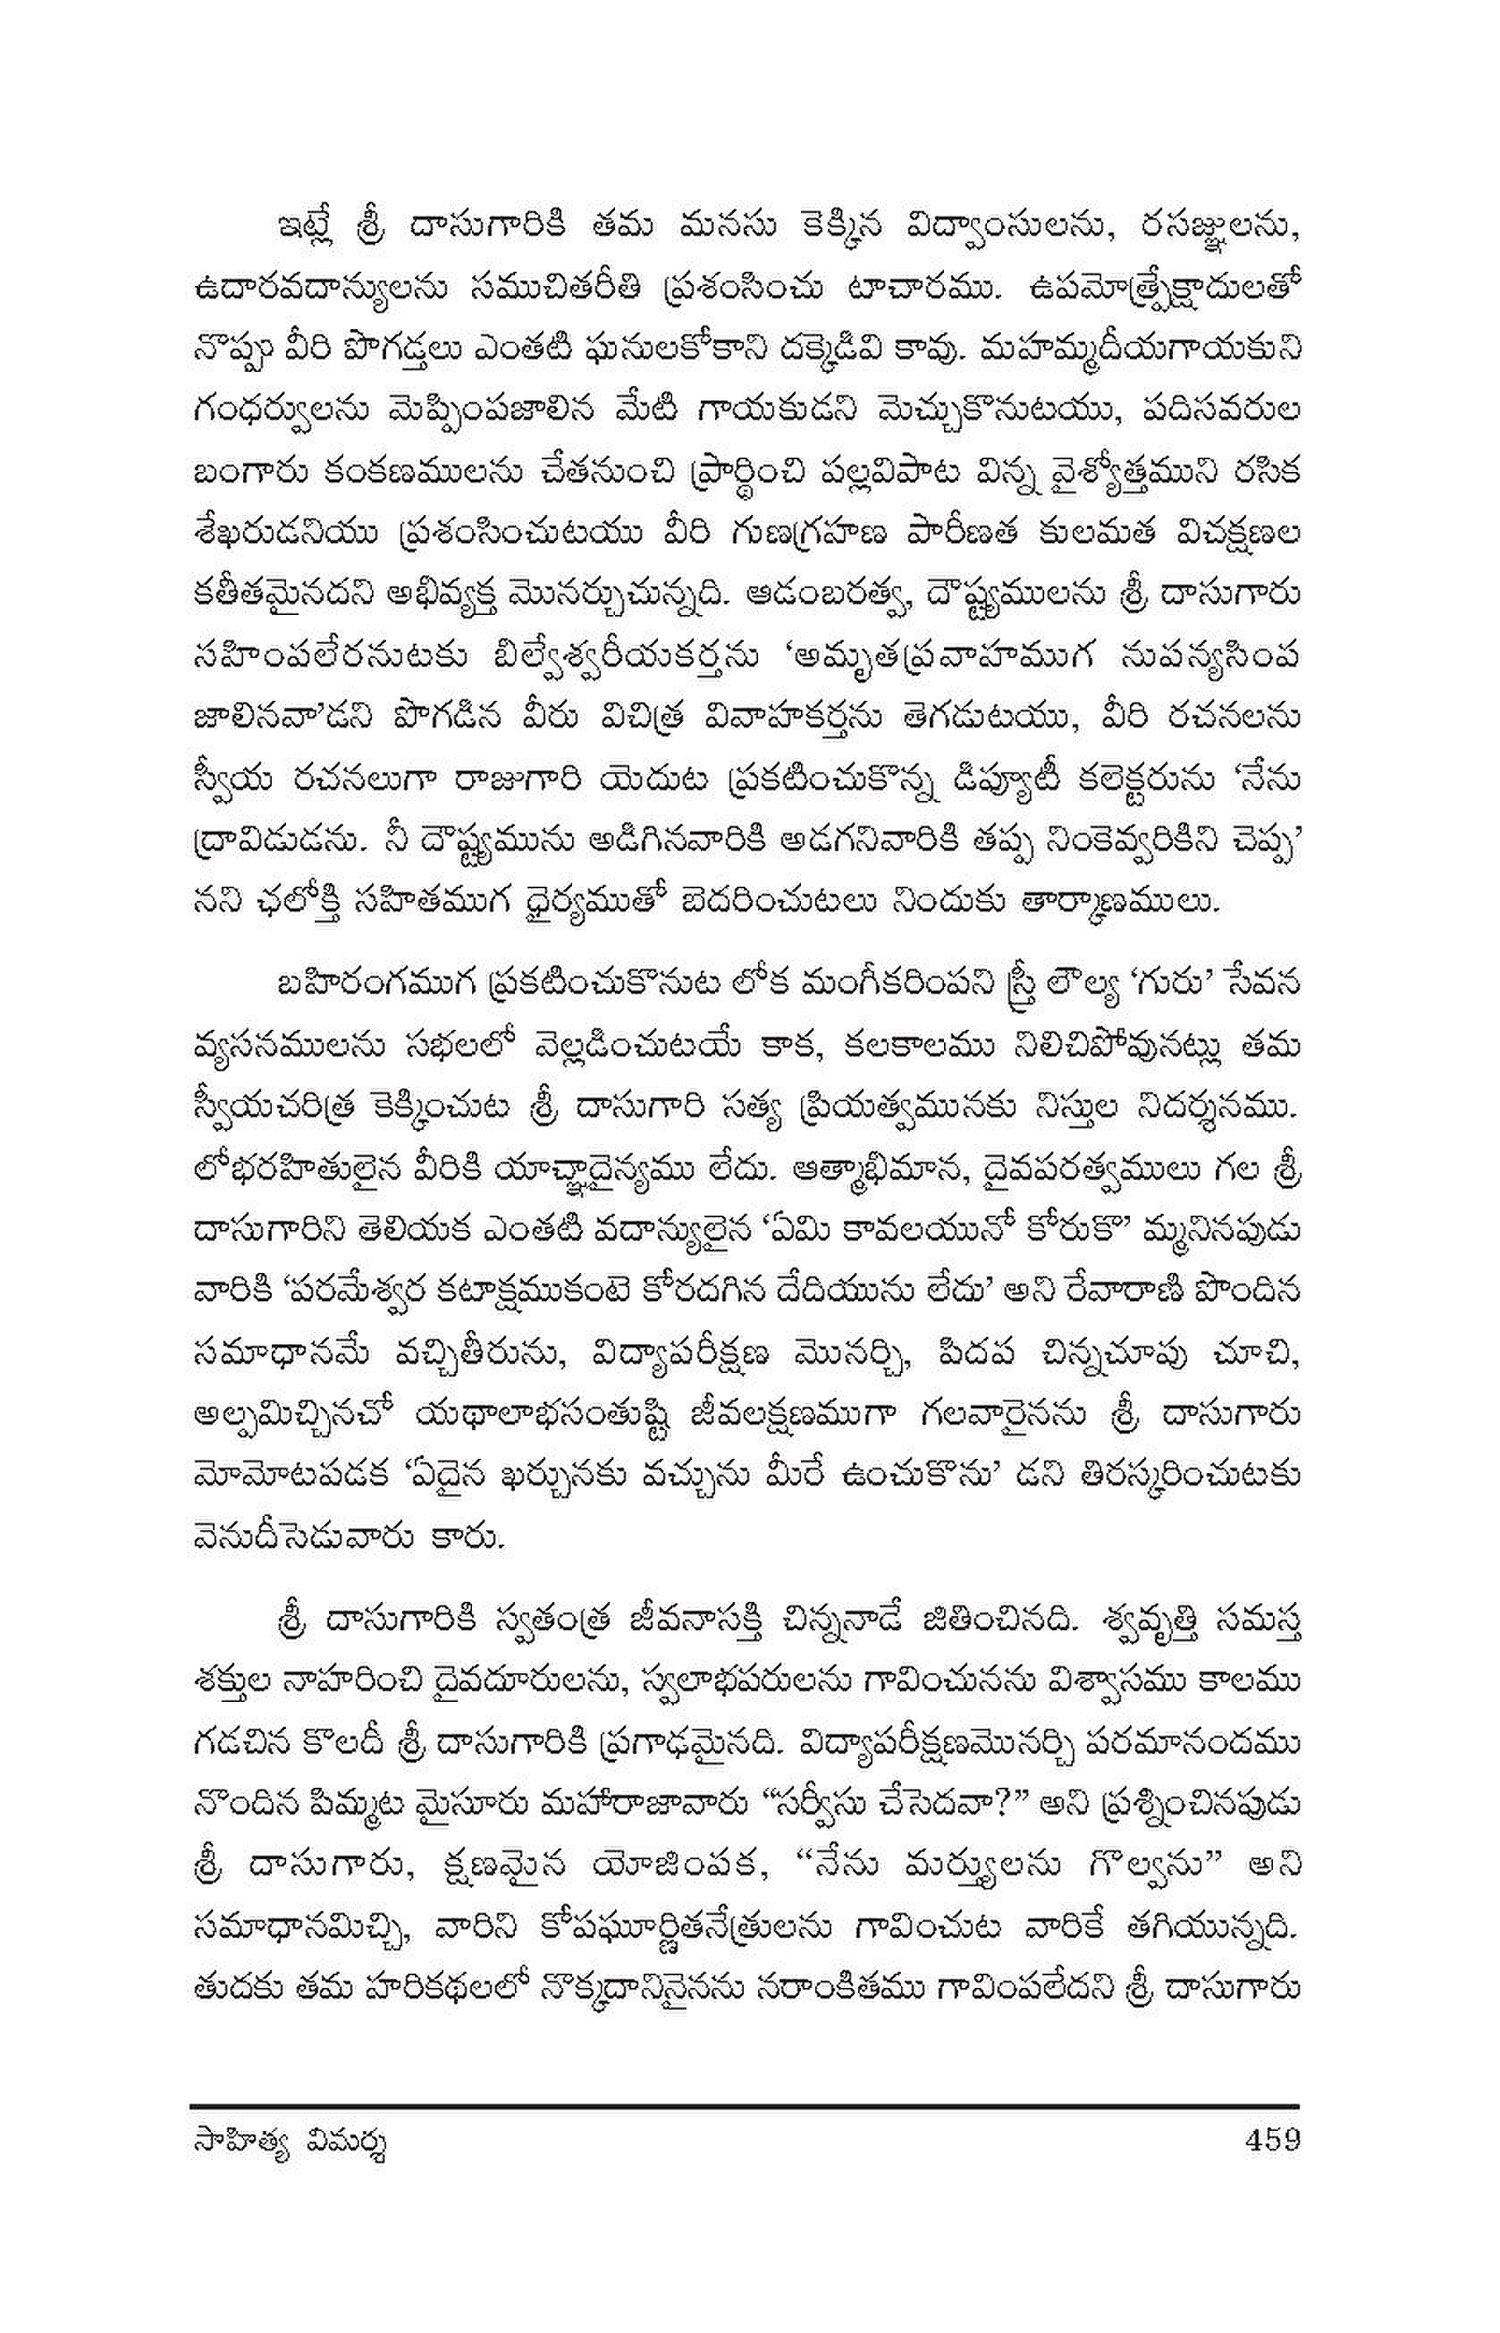ఇట్లే శ్రీ దాసుగారికి తమ మనసు కెక్కిన విద్వాంసులను, రసజ్ఞులను,
ఉదారవదాన్యులను సముచితరీతి ప్రశంసించు టాచారము. ఉపమోత్ప్రేక్షాదులతో
నొప్పు వీరి పొగడ్తలు ఎంతటి ఘనులకోకాని దక్కెడివి కావు. మహమ్మదీయగాయకుని
గంధర్వులను మెప్పింపజాలిన మేటి గాయకుడని మెచ్చుకొనుటయు, పదిసవరుల
బంగారు కంకణములను చేతనుంచి ప్రార్థించి పల్లవిపాట విన్న వైశ్యోత్తముని రసిక
శేఖరుడనియు ప్రశంసించుటయు వీరి గుణగ్రహణ పారీణత కులమత విచక్షణల
కతీతమైనదని అభివ్యక్త మొనర్చుచున్నది. ఆడంబరత్వ, దౌష్ట్యములను శ్రీ దాసుగారు
సహింపలేరనుటకు బిల్వేశ్వరీయకర్తను 'అమృతప్రవాహముగ నుపన్యసింప
జాలినవా'డని పొగడిన వీరు విచిత్ర వివాహకర్తను తెగడుటయు, వీరి రచనలను
స్వీయ రచనలుగా రాజుగారి యెదుట ప్రకటించుకొన్న డిప్యూటీ కలెక్టరును 'నేను
ద్రావిడుడను. నీ దౌష్ట్యమును అడిగినవారికి అడగనివారికి తప్ప నింకెవ్వరికిని చెప్ప'
నని ఛలోక్తి సహితముగ ధైర్యముతో బెదరించుటలు నిందుకు తార్కాణములు.

బహిరంగముగ ప్రకటించుకొనుట లోక మంగీకరింపని స్త్రీ లౌల్య 'గురు' సేవన
వ్యసనములను సభలలో వెల్లడించుటయే కాక, కలకాలము నిలిచిపోవునట్లు తమ
స్వీయచరిత్ర కెక్కించుట శ్రీ దాసుగారి సత్య ప్రియత్వమునకు నిస్తుల నిదర్శనము.
లోభరహితులైన వీరికి యాచాదైన్యము లేదు. ఆత్మాభిమాన, దైవపరత్వములు గల శ్రీ
దాసుగారిని తెలియక ఎంతటి వదాన్యులైన 'ఏమి కావలయునో కోరుకొ" మ్మనినపుడు
వారికి 'పరమేశ్వర కటాక్షముకంటె కోరదగిన దేదియును లేదు' అని రేవారాణి పొందిన
సమాధానమే వచ్చితీరును, విద్యాపరీక్షణ మొనర్చి, పిదప చిన్నచూపు చూచి,
అల్పమిచ్చినచో యథాలాభసంతుష్టి జీవలక్షణముగా గలవారైనను శ్రీ దాసుగారు
మోమోటపడక 'ఏదైన ఖర్చునకు వచ్చును మీరే ఉంచుకొను' డని తిరస్కరించుటకు
వెనుదీసెడువారు కారు.

శ్రీ దాసుగారికి స్వతంత్ర జీవనాసక్తి చిన్ననాడే జితించినది. శ్వవృత్తి సమస్త
శక్తుల నాహరించి దైవదూరులను, స్వలాభపరులను గావించునను విశ్వాసము కాలము
గడచిన కొలదీ శ్రీ దాసుగారికి ప్రగాఢమైనది. విద్యాపరీక్షణమొనర్చి పరమానందము
నొందిన పిమ్మట మైసూరు మహారాజావారు "సర్వీసు చేసెదవా?" అని ప్రశ్నించినపుడు
శ్రీ దాసుగారు, క్షణమైన యోజింపక, “నేను మర్త్యులను గొల్వను" అని
సమాధానమిచ్చి, వారిని కోపఘూర్జితనేత్రులను గావించుట వారికే తగియున్నది.
తుదకు తమ హరికథలలో నొక్కదానినైనను నరాంకితము గావింపలేదని శ్రీ దాసుగారు